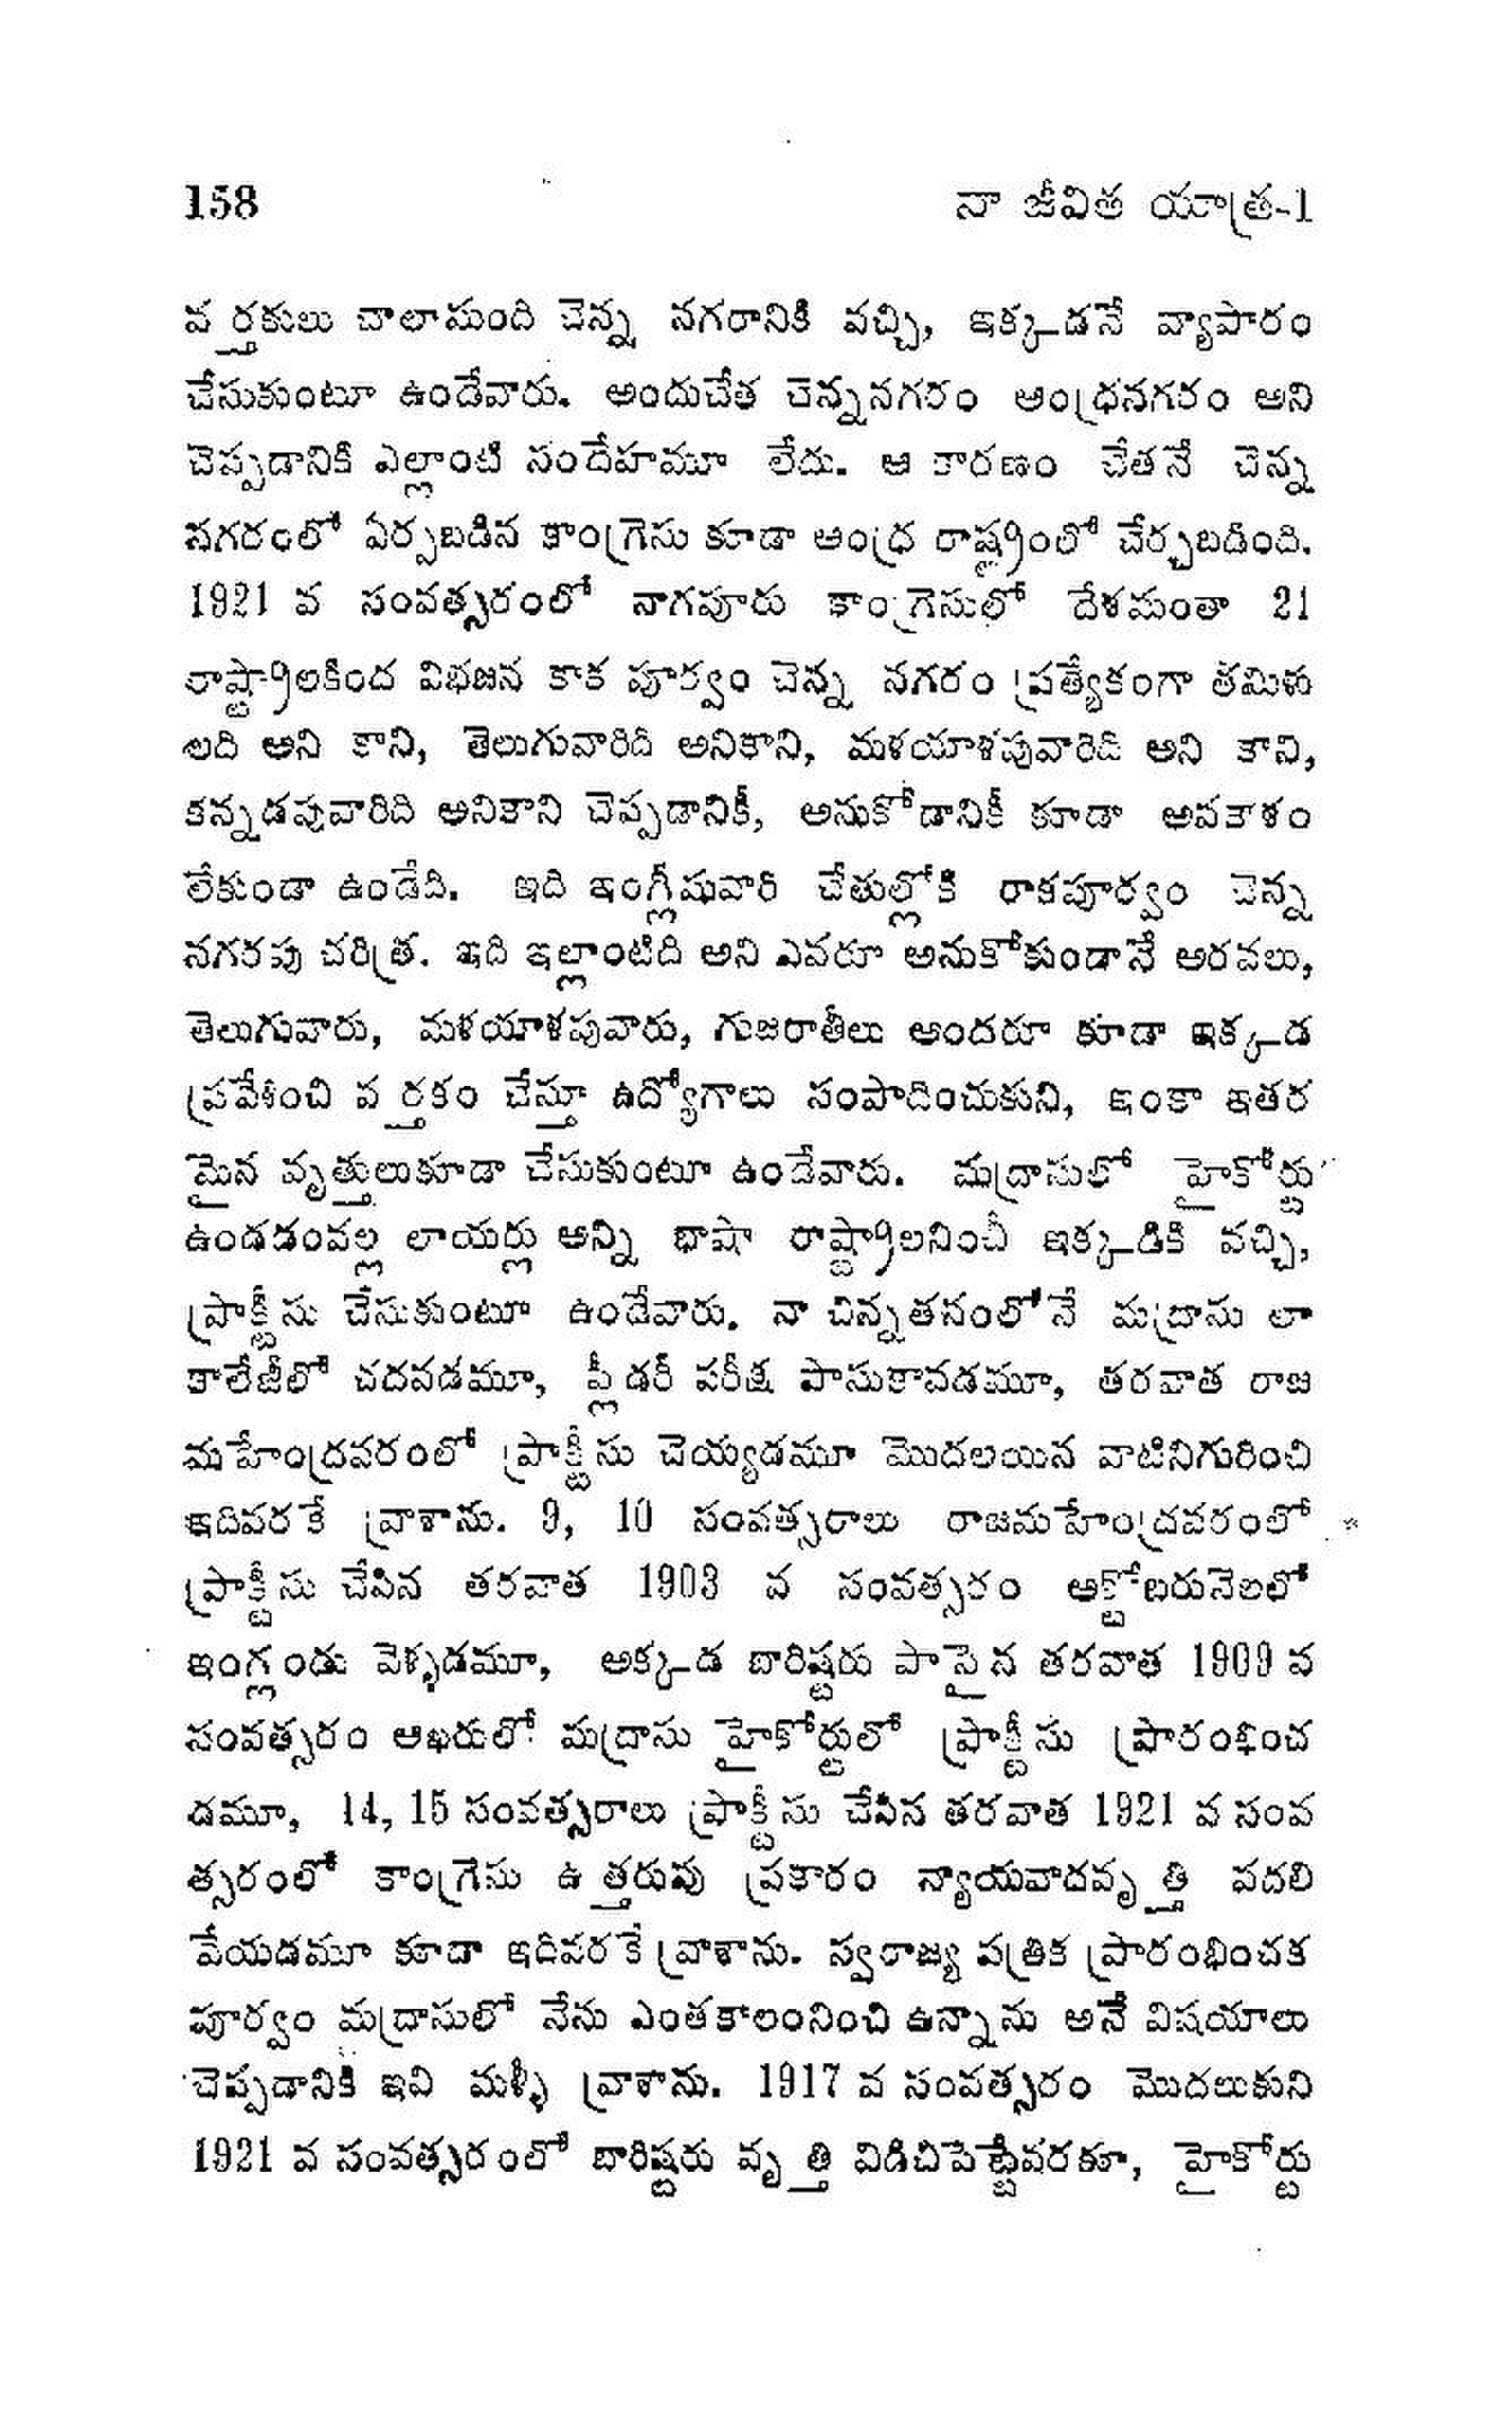వర్తకులు చాలామంది చెన్న నగరానికి వచ్చి, ఇక్కడనే వ్యాపారం చేసుకుంటూ ఉండేవారు. అందుచేత చెన్ననగరం ఆంధ్రనగరం అని చెప్పడానికి ఎల్లాంటి సందేహమూ లేదు. ఆ కారణం చేతనే చెన్న నగరంలో ఏర్పడిన కాంగ్రెసు కూడా ఆంధ్ర రాష్ట్రంలో చేర్చబడింది. 1921 వ సంవత్సరంలో నాగపూరు కాంగ్రెసులో దేశమంతా 21 రాష్ట్రాలకింద విభజన కాక పూర్వం చెన్న నగరం ప్రత్యేకంగా తమిళులది అని కాని, తెలుగువారిది అనికాని, మళయాళపువారిది అని కాని, కన్నడపువారిది అనికాని చెప్పడానికీ, అనుకోవడానికీ కూడా అవకాశం లేకుండా ఉండేది. ఇది ఇంగ్లీషువారి చేతుల్లోకి రాకపూర్వం చెన్ననగరపు చరిత్ర. ఇది ఇల్లాంటిది అని ఎవరూ అనుకోకుండానే అరవలు, తెలుగువారు, మళయాళపువారు, గుజరాతీలు అందరూ కూడా ఇక్కడ ప్రవేశించి వర్తకం చేస్తూ ఉద్యోగాలు సంపాదించుకుని, ఇంకా ఇతరమైన వృత్తులుకూడా చేసుకుంటూ ఉండేవారు. మద్రాసులో హైకోర్టు ఉండడంవల్ల లాయర్లు అన్ని భాషా రాష్ట్రాలనించీ ఇక్కడికి వచ్చి, ప్రాక్టీసు చేసుకుంటూ ఉండేవారు, నా చిన్నతనంలోనే మద్రాసు లా కాలేజీలో చదవడమూ, ప్లీడరీ పరీక్ష పాసుకావడమూ, తరవాత రాజమహేంద్రవరంలో ప్రాక్టీసు చెయ్యడమూ మొదలయిన వాటినిగురించి ఇదివరకే వ్రాశాను. 9, 10 సంవత్సరాలు రాజమహేంద్రవరంలో ప్రాక్టీసు చేసిన తరవాత 1903 వ సంవత్సరం అక్టోబరునెలలో ఇంగ్లండు వెళ్ళడమూ, అక్కడ బారిష్టరు పాసైన తరవాత 1909 వ సంవత్సరం ఆఖరులో మద్రాసు హైకోర్టులో ప్రాక్టీసు ప్రారంభించిడమూ, 14, 15 సంవత్సరాలు ప్రాక్టీసు చేసిన తరవాత 1921 వ సంవత్సరంలో కాంగ్రెసు ఉత్తరువు ప్రకారం న్యాయవాదవృత్తి వదలి వేయడమూ కూడా ఇదివరకే వ్రాశాను. స్వరాజ్య పత్రిక ప్రారంభించక పూర్వం మద్రాసులో నేను ఎంతకాలంనించి ఉన్నాను అనే విషయాలు చెప్పడానికి ఇవి మళ్ళీ వ్రాశాను. 1917 వ సంవత్సరం మొదలుకుని 1921 వ సంవత్సరంలో బారిష్టరు వృత్తి విడిచిపెట్టేవరకూ, హైకోర్టు